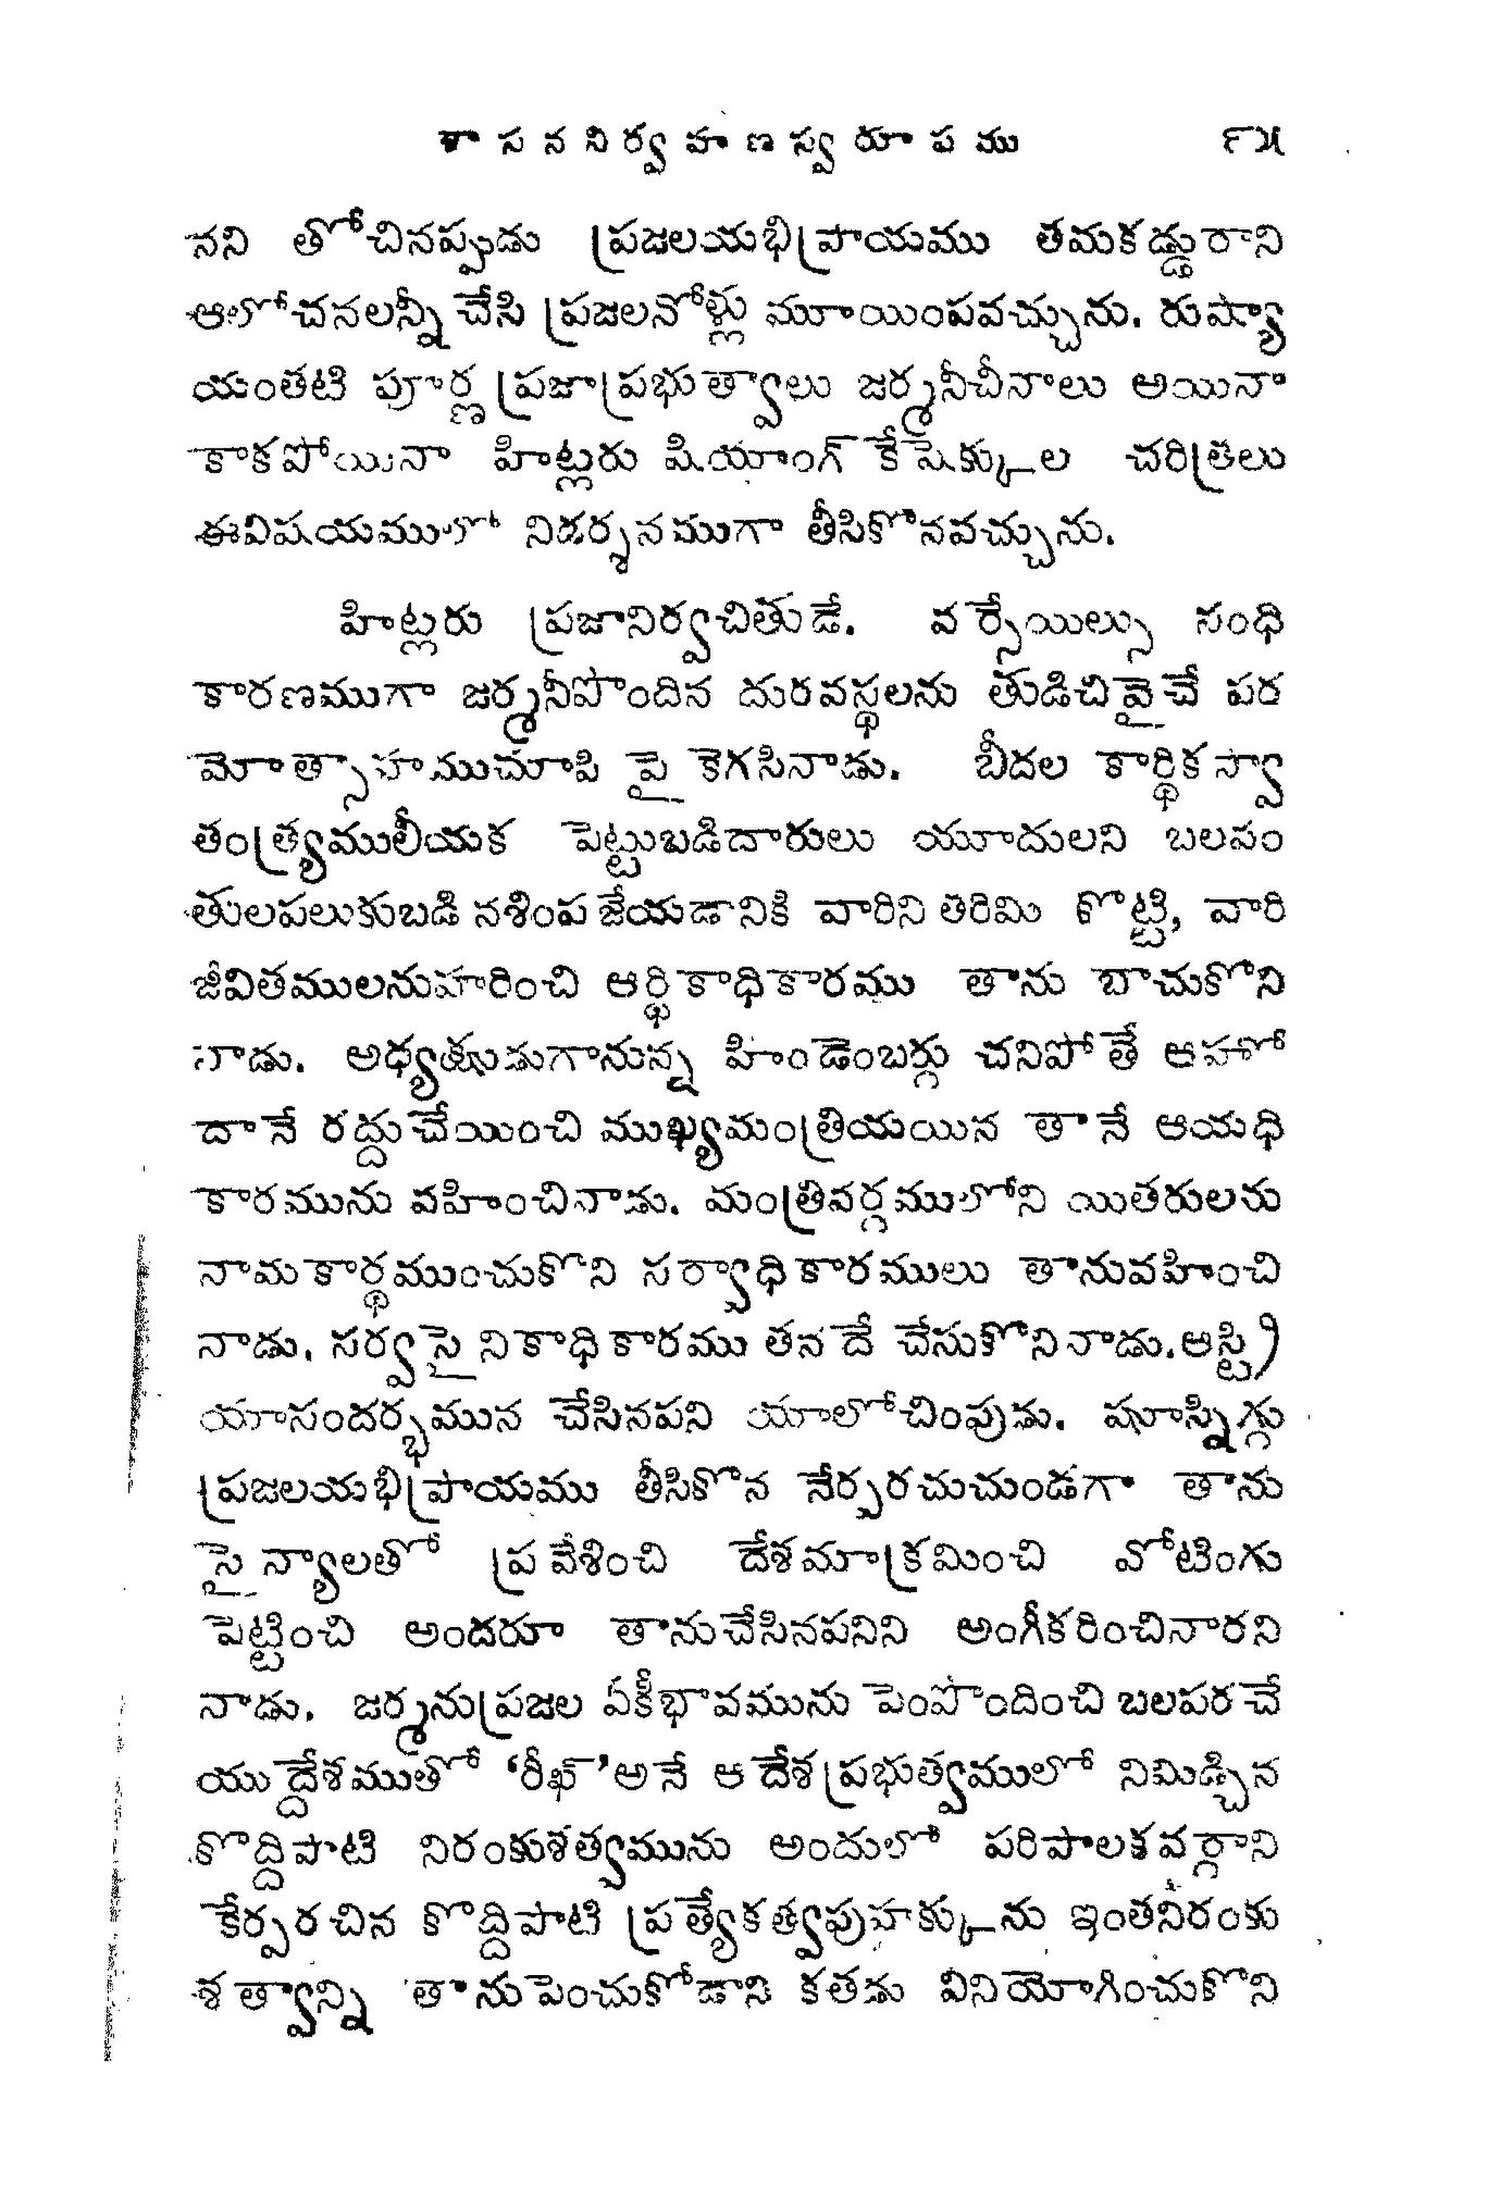నని తోచినప్పుడు ప్రజలయభిప్రాయము తమకడ్డురాని ఆలోచనలన్నీ చేసి ప్రజలనోళ్లు మూయింప వచ్చును. రుష్యా యంతటి పూర్ణప్రజాప్రభుత్వాలు జర్మనీచీనాలు అయినా కాకపోయినా హిట్లరు షియాంగ్ కేషెక్కుల చరిత్రలు ఈవిషయములో నిదర్శనముగా తీసికొనవచ్చును.

హిట్లరు ప్రజనిర్వచితుడే. వర్సేయిల్సు సంధి కారణముగా జర్మనీపొందిన దురవస్థలను తుడిచివైచే పరమోత్సాహముచూపి పై కెగసినాడు. బీదల కార్థికస్వాతంత్ర్యములీయక పెట్టుబడిదారులు యూదులని బలవంతులపలుకుబడి నశింప జేయడానికి వారిని తరిమి కొట్టి, వారి జీవితములను హరించి ఆర్థికాధికారము తాను బాచుకొనినాడు. అధ్యక్షుడుగానున్న హిండెంబర్లు చనిపోతే ఆహో
దానే రద్దుచేయించి ముఖ్యమంత్రియయిన తానే ఆయధికారమును వహించినాడు. మంత్రివర్గము లోని యితరులను నామకార్థముంచుకొని సర్వాధికారములు తానువహించినాడు. సర్వసైనికాధి కారము తనదే చేసుకొనినాడు. ఆస్ట్రియూసందర్భమున చేసినపని యాలోచింపుడు. షూస్నిగ్గు
ప్రజలయభిప్రాయము తీసికొన నేర్పరచుచుండగా తాను సైన్యాలతో ప్రవేశించి దేశమాక్రమించి వోటింగు
పెట్టించి అందరూ తానుచేసినపనిని అంగీకరించినారనినాడు. జర్మనుప్రజల ఏకీభావమును పెంపొందించి బలపరచే యుద్దేశముతో 'రీఖ్' అనే ఆదేశప్రభుత్వములో నిమిడ్చిన కొద్దిపాటి నిరంకుశత్వమును అందులో పరిపాలకవర్గాని కేర్పరచిన కొద్దిపాటి ప్రత్యేకత్వపుహక్కును ఇంతనిరంకు
శత్వాన్ని తానుపెంచుకోడాని కతడు వినియోగించుకొని